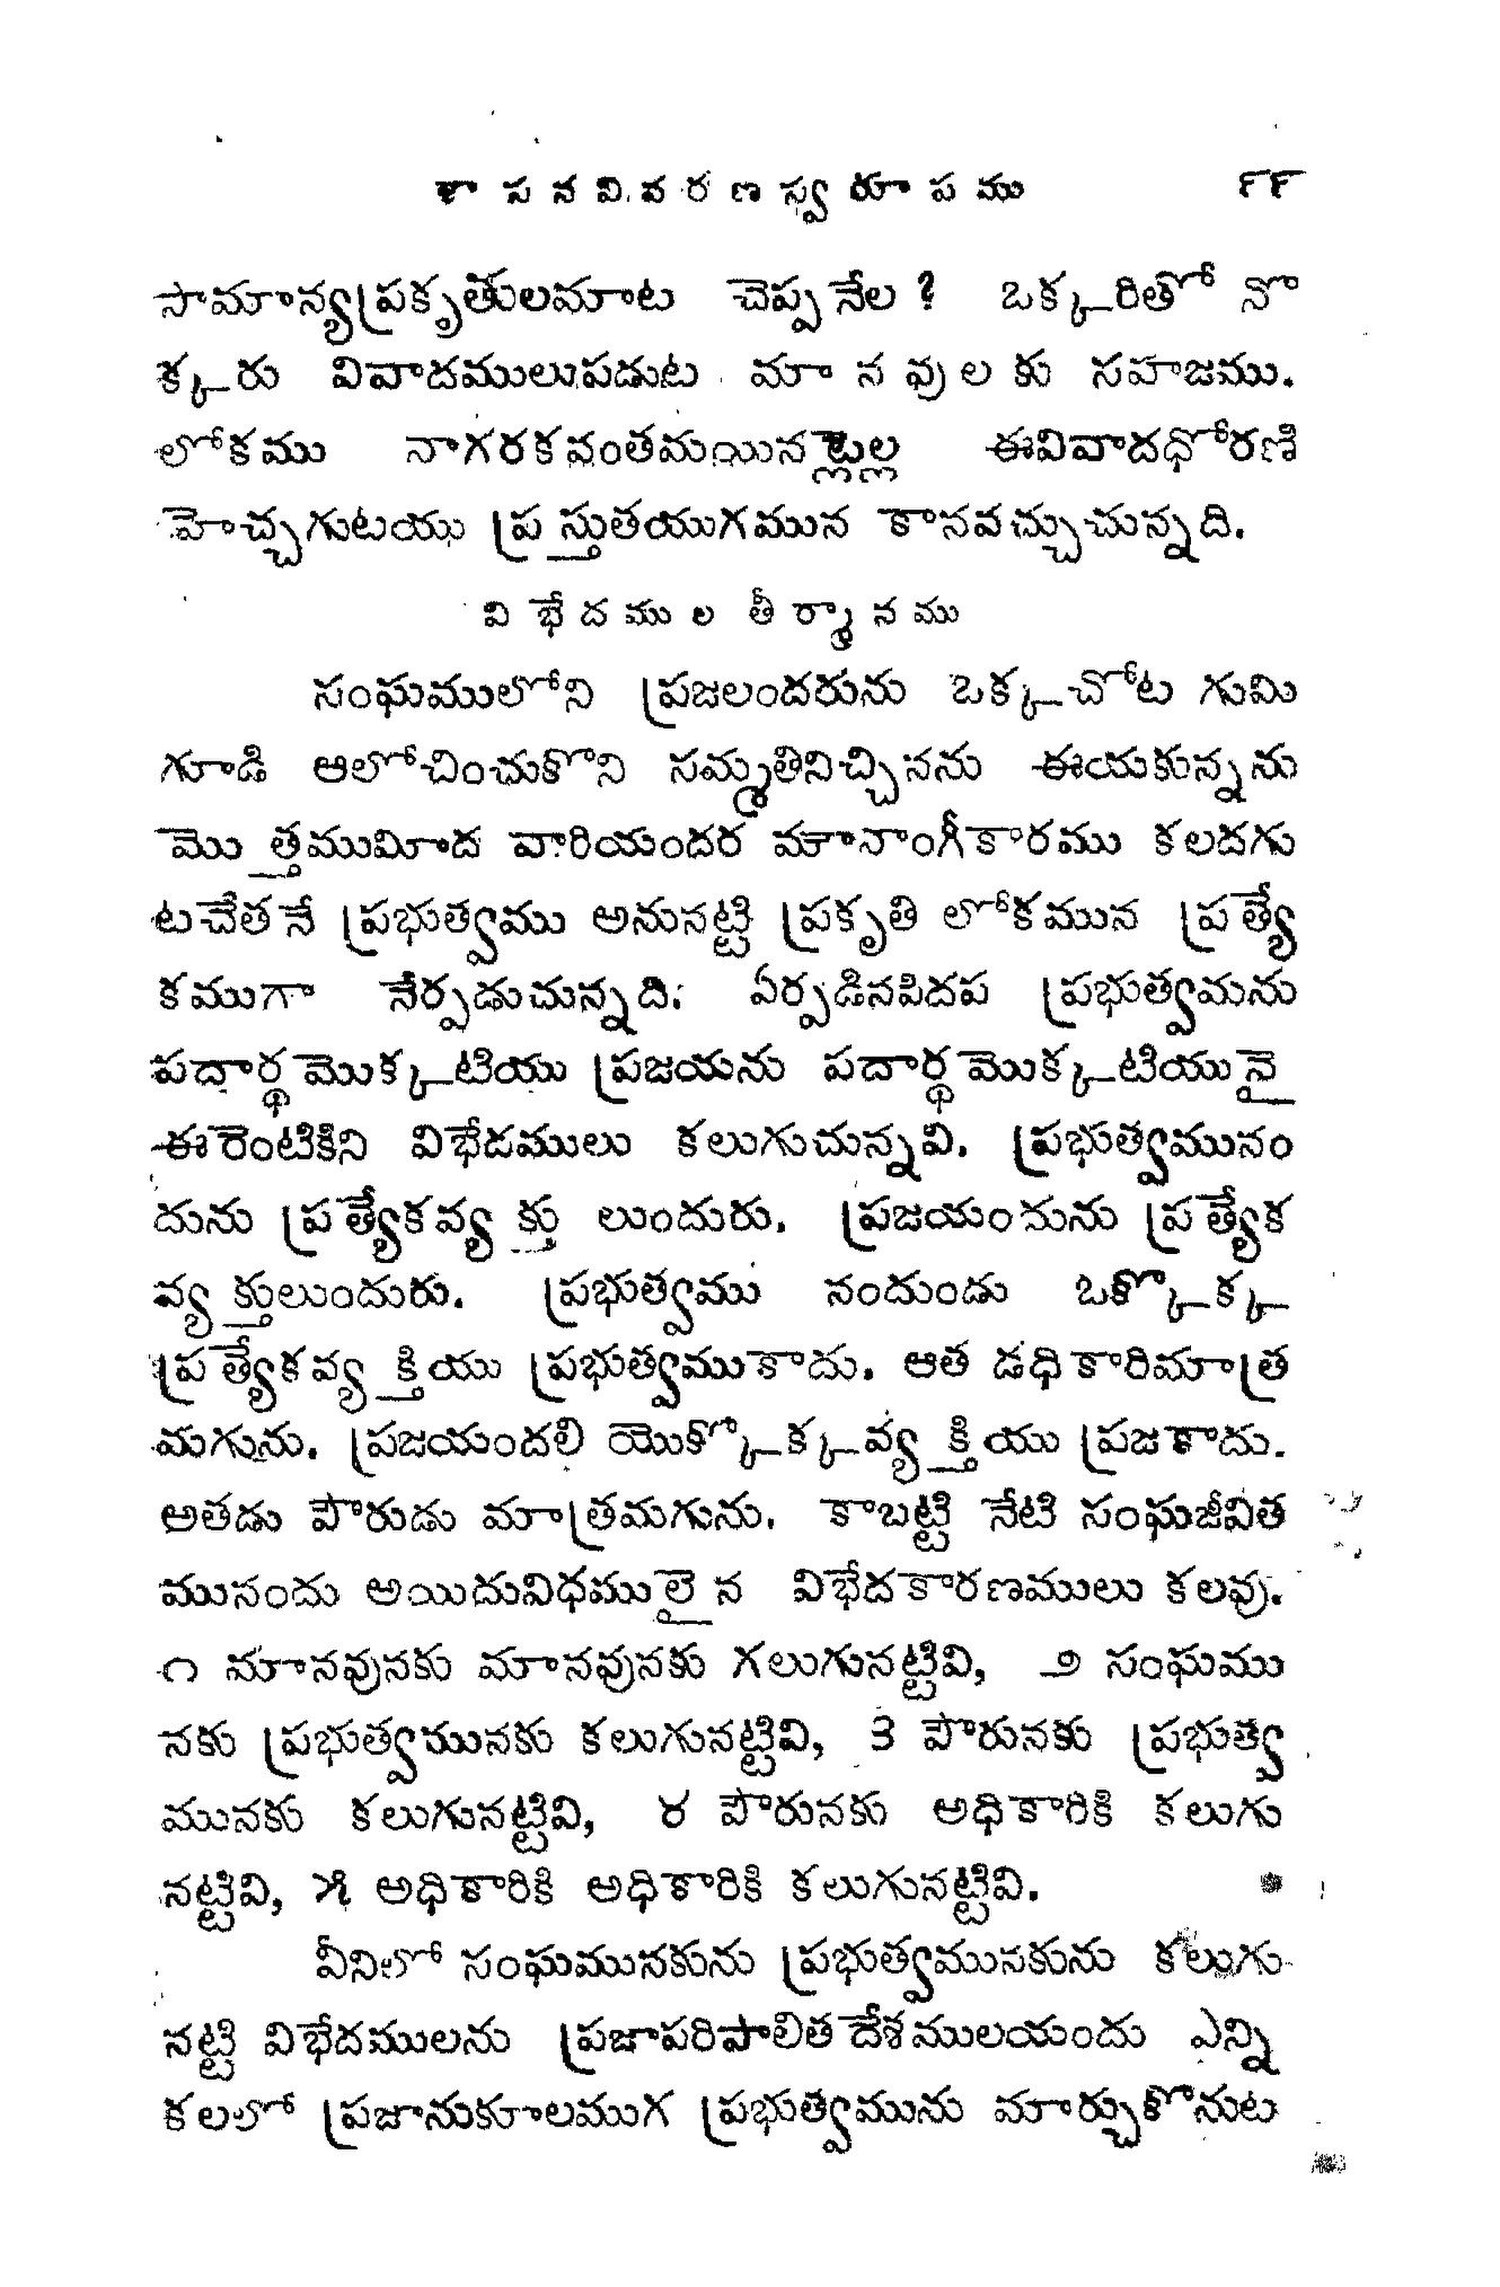సామాన్యప్రకృతులమాట చెప్పనేల ? ఒక్కరితో నొక్కరు వివాదములుపడుట మానవులకు సహజము.
లోకము నాగరకవంతమయినట్లెల్ల ఈవివాదధోరణి హెచ్చగుటయు ప్రస్తుతయుగమున కానవచ్చుచున్నది.

సంఘములోని ప్రజలందరును ఒక్కచోట గుమిగూడి ఆలోచించుకొని సమ్మతినిచ్చినను ఈయకున్నను
మొత్తముమీద వారియందర మౌనాంగీకారము కలదగుటచేతనే ప్రభుత్వము అనునట్టి ప్రకృతి లోకమున ప్రత్యేకముగా నేర్పడుచున్నది. ఏర్పడినపిదప ప్రభుత్వమను పదార్థమొక్కటియు ప్రజయను పదార్థమొక్కటియునై ఈరెంటికిని విభేదములు కలుగుచున్నవి. ప్రభుత్వమునందును ప్రత్యేకవ్యక్తు లుందురు, ప్రజయందును ప్రత్యేక వ్యక్తులుందురు. ప్రభుత్వము నందుండు ఒక్కొక్క ప్రత్యేకవ్యక్తియు ప్రభుత్వముకాదు. ఆత డధికారియాత్రమగును. ప్రజయందలి యొక్కొక్క వ్యక్తియు ప్రజకాదు. అతడు పౌరుడు మాత్రమగును. కాబట్టి నేటి సంఘజీవితమునందు అయిదువిధములైన విభేద కారణములు కలవు. 1 మానవునకు మానవునకు గలుగునట్టివి, 2 సంఘమునకు ప్రభుత్వమునకు కలుగునట్టివి, 3 పౌరునకు ప్రభుత్వమునకు కలుగునట్టివి, 4 పౌరునకు అధికారికి కలుగునట్టివి, 5 అధికారికి అధికారికి కలుగునట్టివి.

వీనిలో సంఘమునకును ప్రభుత్వమునకును కలుగునట్టి విభేదములను ప్రజాపరిపాలితదేశముల యందు ఎన్నికలలో ప్రజూనుకూలముగ ప్రభుత్వమును మార్చుకొనుట